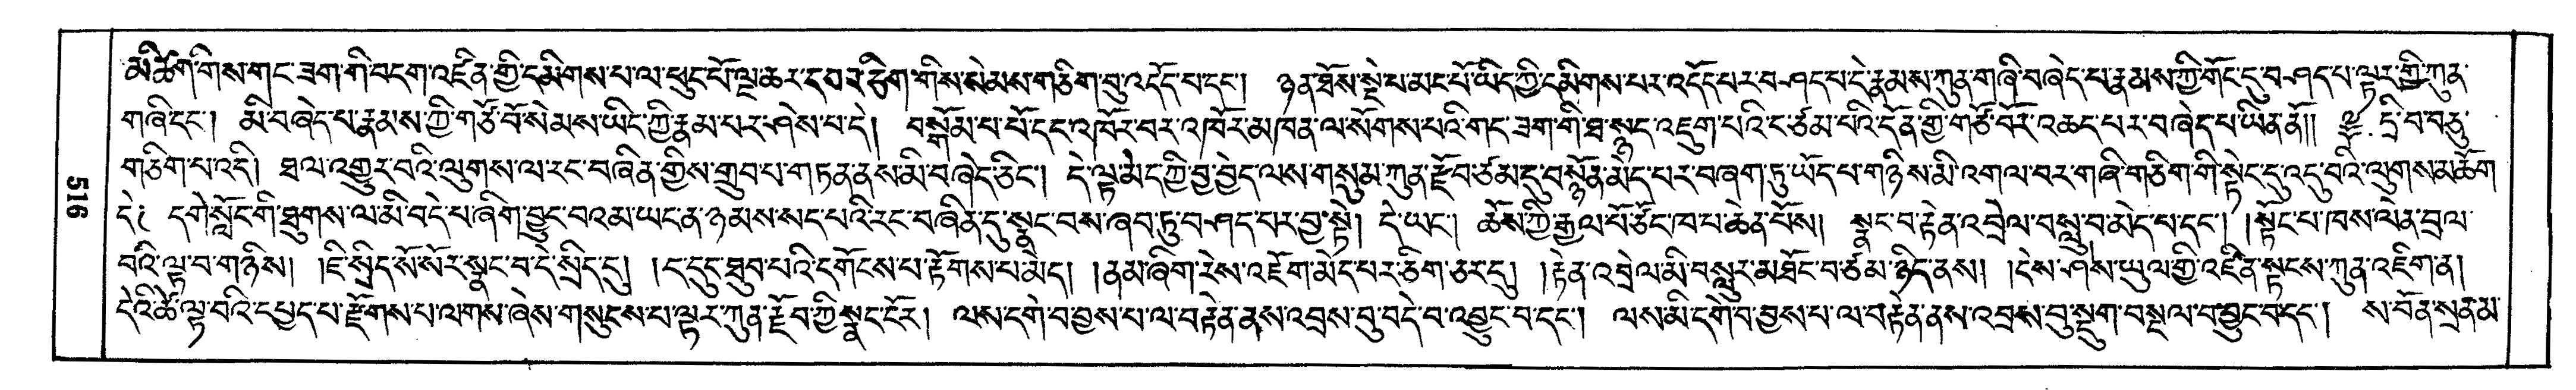ཁ་ཅིག་གིས་གང་ཟག་གི་བདག་འཛིན་གྱི་དམིགས་པ་ལ་ཕུང་པོ་ལྔ་ཆར་དང་ཁ་ཅིག་གིས་སེམས་གཅིག་པུ་འདོད་པ་དང་། ཉན་ཐོས་སྡེ་པ་མང་པོ་ཡིད་ཀྱི་དམིགས་པར་འདོད་པར་བཤད་པ་དེ་རྣམས་ཀུན་གཞི་བཞེད་པ་རྣམས་ཀྱི་གོང་དུ་བཤད་པ་ལྟར་གྱི་ཀུན་
གཞི་དང་། མི་བཞེད་པ་རྣམས་ཀྱི་གཙོ་བོ་སེམས་ཡིད་ཀྱི་རྣམ་པར་ཤེས་པ་དེ། བསྒོམ་པ་པོ་དང་འཁོར་བར་འཁོར་མཁན་ལ་སོགས་པའི་གང་ཟག་གི་ཐ་སྙད་འཇུག་པའི་ང་ཙམ་པའི་དོན་གྱི་གཙོ་བོར་འཆད་པར་བཞེད་པ་ཡིན་ནོ།། ༈ དྲི་བ་བཅུ་
གཅིག་པ་འདི། ཐལ་འགྱུར་བའི་ལུགས་ལ་རང་བཞིན་གྱིས་གྲུབ་པ་གཏན་ནས་མི་བཞེད་ཅིང་། དེ་ལྟ་མོད་ཀྱི་བྱ་བྱེད་ལས་གསུམ་ཀུན་རྫོབ་ཙམ་དུ་བསྙོན་མེད་པར་བཞག་ཏུ་ཡོད་པ་གཉིས་མི་འགལ་བར་གཞི་གཅིག་གི་སྟེང་དུ་འདུ་བའི་ལུགས་མཆོག་
དེ༑ དགེ་སློང་གི་ཐུགས་ལ་མི་བདེ་བ་ཞིག་བྱུང་བའམ་ཡང་ན་ཉམས་སད་པའི་རང་བཞིན་དུ་སྣང་བས་ཞིབ་ཏུ་བཤད་པར་བྱ་སྟེ། དེ་ཡང་། ཆོས་ཀྱི་རྒྱལ་པོ་ཙོང་ཁ་པ་ཆེན་པོས། སྣང་བ་རྟེན་འབྲེལ་བསླུ་བ་མེད་པ་དང་། །སྟོང་པ་ཁས་ལེན་བྲལ་
བའི་ལྟ་བ་གཉིས། །ཇི་སྲིད་སོ་སོར་སྣང་བ་དེ་སྲིད་དུ། །ད་དུང་ཐུབ་པའི་དགོངས་པ་རྟོགས་པ་མེད། །ནམ་ཞིག་རེས་འཇོག་མེད་པར་ཅིག་ཅར་དུ། །རྟེན་འབྲེལ་མི་བསླུར་མཐོང་བ་ཙམ་ཉིད་ནས། །ངེས་ཤེས་ཡུལ་གྱི་འཛིན་སྟངས་ཀུན་འཇིག་ན། །
དེའི་ཚེ་ལྟ་བའི་དཔྱད་པ་རྫོགས་པ་ལགས། ཞེས་གསུངས་པ་ལྟར་ཀུན་རྫོབ་ཀྱི་སྣང་ངོར། ལས་དགེ་བ་བྱས་པ་ལ་བརྟེན་ནས་འབྲས་བུ་བདེ་བ་འབྱུང་བ་དང་། ལས་མི་དགེ་བ་བྱས་པ་ལ་བརྟེན་ནས་འབྲས་བུ་སྡུག་བསྔལ་འབྱུང་བ་དང་། ས་བོན་སྲན་མ་